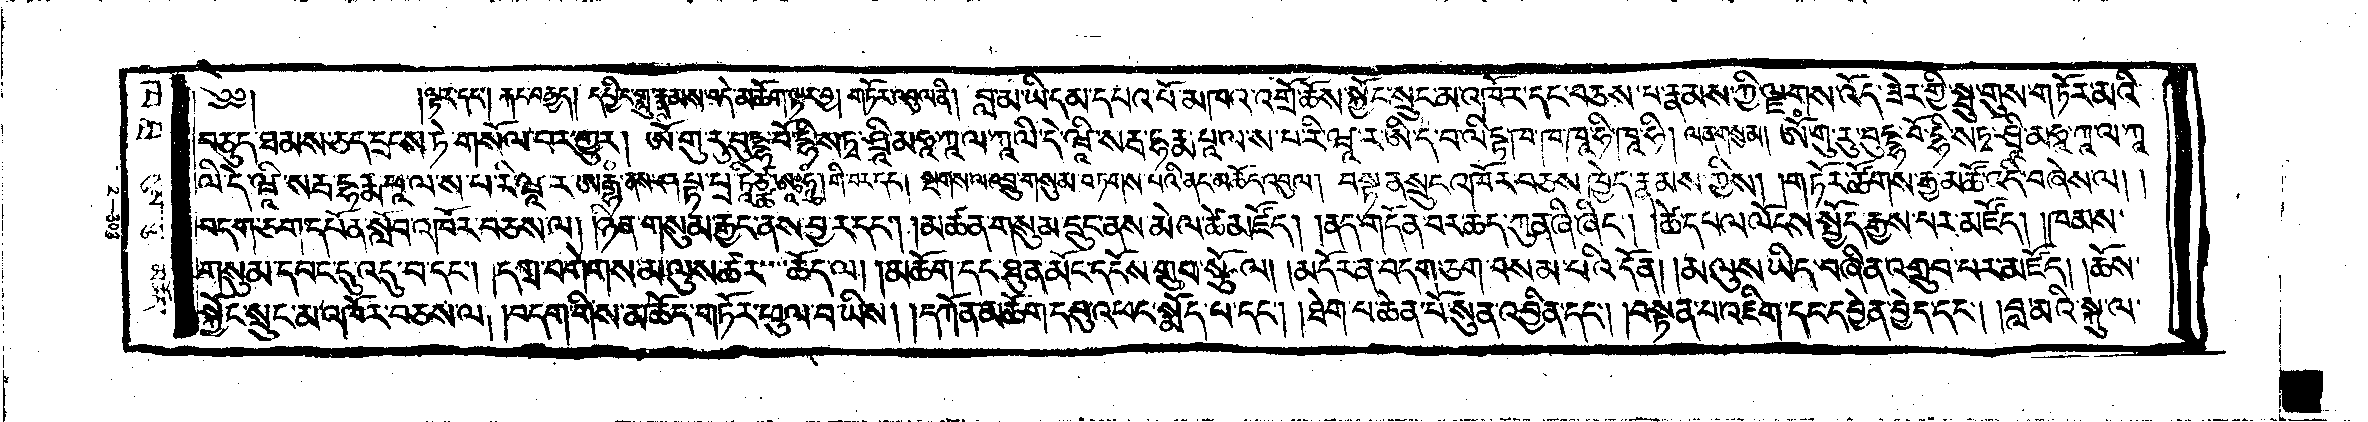༄༅། །ལྟར་དང་། རྐང་བརྒྱད། དཔྱིང་གླུ་རྣམས་བདེ་མཆོག་ལྟར་བྱ། གཏོར་འབུལ་ནི།  བླ་མ་ཡི་དམ་དཔའ་བོ་མཁའ་འགྲོ་ཆོས་སྐྱོང་སྲུང་མ་འཁོར་དང་བཅས་པ་རྣམས་ཀྱི་ལྗགས་འོད་ཟེར་གྱི་སྦུ་གུས་གཏོར་མའི་
བཅུད་ཐམས་ཅད་དྲངས་ཏེ་གསོལ་བར་གྱུར། ཨོཾ་གུ་རུ་བུདྡྷ་བོདྷིསཏྭ་ཤྲཱིམྷཱ་ཀཱལ་ཀཱལི་དེ་ཝའི་སརྦ་དྷརྨ་པཱ་ལས་པ་རི་ཝཱ་ར་ཡི་ད་བ་ལིདྡ་ཁཁ་ཁཱ་ཧི། ལན་གསུམ།  ཨོཾ་གུ་རུ་བུདྡྷ་བོ་དྷི་སཏྭ་ཤྲཱི་མྷཱ་ཀཱ་ལ་ཀཱ་
ལི་དེ་ཝཱི་སརྦ་དྷརྨ་ཕཱ་ལ་ས་པ་རི་ཝཱ་ར་ཨརྒྷཾ་ནས་ཤཔྟ་པྲ་ཏཱིཙྪ་ཨཱཿཧཱུཾ། གི་བར་དང་། སྔགས་ལ་འབྲུ་གསུམ་བཏགས་པའི་ནང་མཆོད་འབུལ།  བསྟན་སྲུང་འཁོར་བཅས་ཁྱེད་རྣམས་ཀྱིས། །གཏོར་ཚོགས་རྒྱ་མཚོ་འདི་བཞེས་ལ། །
བདག་ཅག་དཔོན་སློབ་འཁོར་བཅས་ལ། །ཉིན་གསུམ་རྒྱང་ནས་བྱར་དང་། །མཚན་གསུམ་དྲུང་ནས་མེལ་ཚེ་མཛོད། །ནད་གདོན་བར་ཆད་ཀུན་ཞི་ཞིང་། །ཚེ་དཔལ་ལོངས་སྤྱོད་རྒྱས་པར་མཛོད། །ཁམས་
གསུམ་དབང་དུ་འདུ་བ་དང་། །དགྲ་བགེགས་མ་ལུས་ཚར་ཆོད་ལ། །མཆོག་དང་ཐུན་མོང་དངོས་གྲུབ་སྩོལ། །མདོར་ན་བདག་ཅག་བསམ་པའི་དོན། །མ་ལུས་ཡིད་བཞིན་འགྲུབ་པར་མཛོད། །ཆོས་
སྐྱོང་སྲུང་མ་འཁོར་བཅས་ལ། །བདག་གིས་མཆོད་གཏོར་ཕུལ་བ་ཡིས། །དཀོན་མཆོག་དབུ་འཕང་སྨོད་པ་དང་། །ཐེག་པ་ཆེན་པོ་སུན་འབྱིན་དང་། །བསྟན་པ་འཇིག་དབང་བྱེན་བྱེད་དང་། །བླ་མའི་སྐུ་ལ་